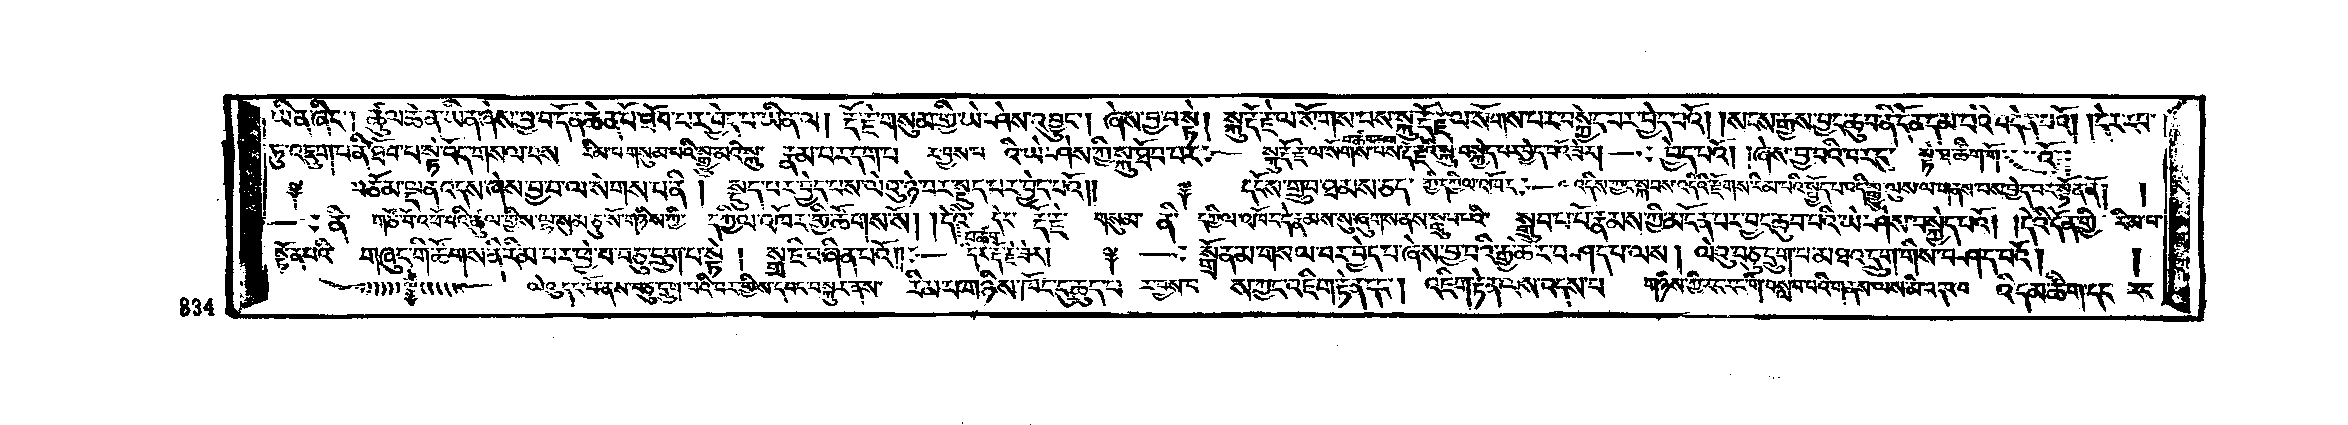ཡིན་ཞིང་། ཚུལ་ཆེན་ཡིན་ཞེས་བྱ་བ་དོན་ཆེན་པོ་ཐོབ་པར་བྱེད་པ་ཡིན་ལ། རྡོ་རྗེ་གསུམ་གྱི་ཡེ་ཤེས་འབྱུང་། ཞེས་བྱ་བ་སྟེ། སྐུ་རྡོ་རྗེ་ལ་སོགས་པས་སྐུ་རྡོ་རྗེ་ལ་སོགས་པར་བསྐྱེད་པར་བྱེད་པའོ། །སངས་རྒྱས་བྱང་ཆུབ་ནི་དོན་དམ་པའི་བདེན་པའོ། །དེར་རབ་
ཏུ་འཇུག་པ་ནི་ཐོབ་པ་སྟེ་འོད་གསལ་པས་རིམ་པ་གསུམ་པའི་སྒྱུ་མའི་སྐུ་རྣམ་པར་དག་པར་བྱས་པའི་ཡེ་ཤེས་ཀྱི་སྐུ་ཐོབ་པར་H.་སྐུ་རྡོ་རྗེ་ལ་སོགས་པ་ཚབ་ཆག་པས་རྡོ་རྗེའི་སྐུ་བསྐྱེད་པར་བྱེད་པའོ་ཟེར།  .H བྱེད་པའོ། །ཞེས་བྱ་བའི་བར་དུ་སྟེ་ཐ་ཚིག་གོ་འོ་
༈ བཅོམ་ལྡན་འདས་ཞེས་བྱ་བ་ལ་སོགས་པ་ནི། སྡུད་པར་བྱེད་པས་ལེའུ་ཉེ་བར་སྡུད་པར་བྱེད་པའོ།། ༈ དངོས་གྲུབ་ཐམས་ཅད་ཀྱི་དཀྱིལ་འཁོར་H.་༧འདིས་ཀྱང་སྐབས་འདིའི་རྫོགས་རིམ་པའི་སྤྱོད་པ་འདི་སྒྱུ་ལུས་ལ་གནས་པས་བྱེད་པར་སྟོན་ནོ། །
.H ནི་གཙོ་བོ་འཕོ་བའི་ཚུལ་གྱིས་ལྷ་སུམ་ཅུ་སོ་གཉིས་ཀྱི་དཀྱིལ་འཁོར་གྱི་ཚོགས་སོ། །དེའི་དེར་རྡོ་རྗེ་གསུམ་ནི་དཀྱིལ་འཁོར་དེ་རྣམས་སུ་ཞུགས་ནས་སྒྲུབ་པའི་སྒྲུབ་པ་པོ་རྣམས་ཀྱི་མངོན་པར་བྱང་ཆུབ་པའི་ཡེ་ཤེས་བསྐྱེད་པའོ། །དེའི་དོན་གྱི་རིམ་པ་
སྟོན་པའི་གཞུང་གི་ཚོགས་ནི་རིམ་པར་ཕྱེ་བ་བཅུ་དྲུག་པ་སྟེ། སྒྲ་ཇི་བཞིན་པའོ།། H.་པ་ཚབ་དེར་རྡོ་རྗེ་ཟེར།  ༈ .H སྒྲོན་མ་གསལ་བར་བྱེད་པ་ཞེས་བྱ་བའི་རྒྱ་ཆེར་བཤད་པ་ལས། ལེའུ་བཅུ་དྲུག་པ་མཐའ་དྲུག་གིས་བཤད་པའོ། །
༆་ལེའུ་དང་པོ་ནས་བཅུ་དྲུག་པའི་བར་གྱིས་དབང་བསྐུར་ནས་རིམ་པ་གཉིས་ཁོང་དུ་ཆུད་པར་བྱས་པས་ཀྱང་འཇིག་རྟེན་དང་། འཇིག་རྟེན་ལས་འདས་པ་གཉིས་ཀྱི་རང་རང་གི་བསླབ་པའི་གནས་ལས་མི་འདའ་བའི་དམ་ཚིག་དང་རང་